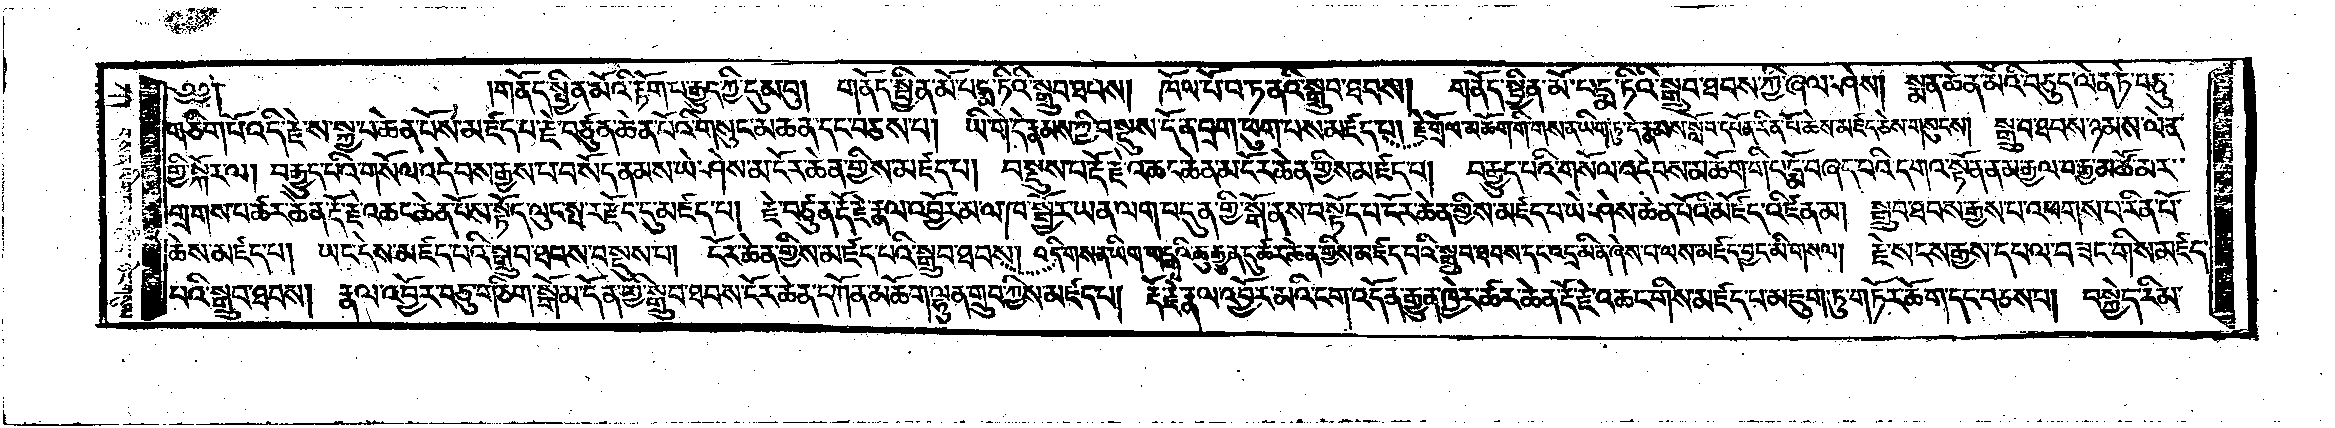༄༅། །གནོད་སྦྱིན་མོའི་རྟོག་པ་རྒྱུད་ཀྱི་དུམ་བུ། གནོད་སྦྱིན་མོ་པདམ་ཏིའི་སྒྲུབ་ཐབས། ཁོལ་པོ་བ་ཏ་ནའི་སྒྲུབ་ཐབས། གནོད་སྦྱིན་མོ་པདམ་ཏིའི་སྒྲུབ་ཐབས་ཀྱི་ཞལ་ཤེས། སྨན་ཆེན་མོའི་བདུད་ལེན་ཏེ་བཅུ་
གཅིག་པོ་འདི་རྗེ་ས་སྐྱ་པ་ཆེན་པོས་མཛད་པ་རྗེ་བཙུན་ཆེན་པོའི་གསུང་མཆན་དང་བཅས་པ། ཡི་གེ་དེ་རྣམ་སྐྱི་བསྡུས་དོན་བྲག་ཕུག་པས་མཛད་པ་རྗེ་གྲོལ་མཆོག་གི་གསན་ཡིག་ཏུ་དེ་རྣམས་སློབ་དཔོན་རིན་པོ་ཆེས་མཛད་ཅེས་གསུངས།  སྒྲུབ་ཐབས་ཉམས་ལེན་
གྱི་སྐོར་ལ། བརྒྱུད་པའི་གསོལ་འདེབས་རྒྱས་པ་བསོད་ནམས་ཡེ་ཤེས་མདོར་ཆེན་གྱིས་མཛད་པ། བསྡུས་པ་རྡོ་རྗེ་འཆང་ཆེན་མངོར་ཆེན་གྱིས་མཛད་པ། བརྒྱུད་པའི་གསོལ་འདེབས་མཆོག་གི་པདམོ་བཞད་པའི་དགའ་སྟོན་ནམ་རྒྱལ་བརྒྱ་མཚོ་མར་
གྲགས་པ་ཚར་ཆེན་རྡོ་རྗེ་འཆང་ཆེན་པོས་སྟོད་ལུས་པ་ར་རྫོང་དུ་མཛད་པ། རྗེ་བཙུན་རྡོ་རྗེ་རྣལ་འབྱོར་མ་ལ་ཁ་སྦྱོར་ཡན་ལག་བདུན་གྱིས་གོ་ནས་བསྟོད་པ་དོར་ཆེན་གྱིས་མཛད་པ་ཡེ་ཤེས་ཆེན་པོའི་མཛོད་འཛིན་མ། སྒྲུབ་ཐབས་རྒྱས་པ་འཕགས་པ་རིན་པོ་
ཆེས་མཛད་པ། ཡང་དེས་མཛད་པའི་སྒྲུབ་ཐབས་བསྡུས་པ། ངོར་ཆེན་གྱིས་མཛད་པའི་སྒྲུབ་ཐབས་འདི་གསན་ཡིག་གངྒཱའི་ཆུ་རྒྱུན་དུ་ཚར་ཆེན་གྱིས་མཛད་པའི་སྒྲུབ་ཐབས་དང་འདྲ་མིན་ཞེས་པ་ལས་མཛད་བྱང་མི་གསལ།  རྗེ་སངས་རྒྱས་དཔལ་བཟང་གིས་མཛད་
པའི་སྒྲུབ་ཐབས། རྣལ་འབྱོར་བཅུ་གཅིག་སྒོམ་དོན་གྱི་སྒྲུབ་ཐབས་ངོར་ཆེན་དཀོན་མཆོག་ལྷུན་གྲུབ་ཀྱིས་མཛད་པ། རྡོ་རྗེ་རྣལ་འབྱོར་མའི་ངག་འདོན་རྒྱུན་ཁྱེར་ཚར་ཆེན་རྡོ་རྗེ་འཆང་གིས་མཛད་པ་མཇུག་ཏུ་གཏོར་ཆོག་དང་བཅས་པ། བསྐྱེད་རིམ་